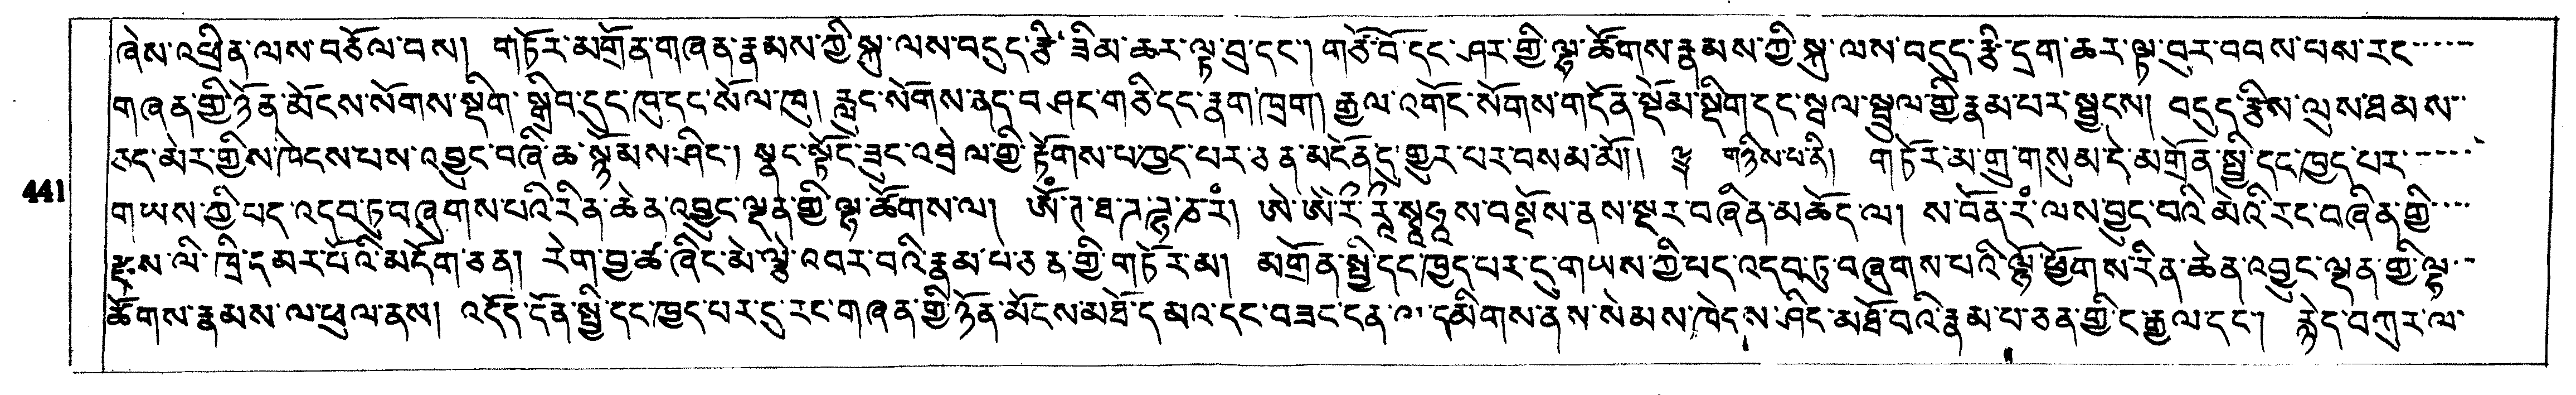ཞེས་འཕྲིན་ལས་བཅོལ་བས། གཏོར་མགྲོན་གཞན་རྣམས་ཀྱི་སྐུ་ལས་བདུད་རྩི་ཟིམ་ཆར་ལྟ་བུ་དང་། གཙོ་བོ་དང་ཤར་གྱི་ལྷ་ཚོགས་རྣམས་ཀྱི་སྐུ་ལས་བདུད་རྩི་དྲག་ཆར་ལྟ་བུར་བབས་པས་རང་
གཞན་གྱི་ཉོན་མོངས་སོགས་སྡིག་སྒྲིབ་དུང་?་ཁུ་དང་སོལ་ཁུ། རླུང་སོགས་ནད་བཤང་གཅི་དང་རྣག་ཁྲག །རྒྱལ་འགོང་སོགས་གདོན་སྡོམ་སྡིག་དང་སྦལ་སྤྲུལ་གྱི་རྣམ་པར་སྦྱངས། བདུད་རྩིས་ལུས་ཐམས་
ཅད་མེར་གྱིས་ཁེངས་པས་འབྱུང་བཞི་ཆ་སྙོམས་ཤིང་། སྣང་སྟོང་ཟུང་འབྲེལ་གྱི་རྟོགས་པ་ཁྱད་པར་ཅན་མངོན་དུ་གྱུར་པར་བསམ་མོ།། ༈ གཉིས་པ་ནི། གཏོར་མ་གྲུ་གསུམ་དེ་མགྲོན་སྤྱི་དང་ཁྱད་པར་
གཡས་ཀྱི་པད་འདབ་ཏུ་བཞུགས་པའི་རིན་ཆེན་འབྱུང་ལྡན་གྱི་ལྷ་ཚོགས་ལ། ཨོཾ་ཊ་ཐ་ཌ་ཌྷ་ཎ་རཾ། ཨེ་ཨཻ་རྀ་རཱྀ་སྭཱཧཱ་ས་བསྔོས་ནས་སྔར་བཞིན་མཆོད་ལ། ས་བོན་རཾ་ལས་བྱུང་བའི་མེའི་རང་བཞིན་གྱི་
རྫས་ལི་ཁྲི་དམར་པོའི་མདོག་ཅན། རེག་བྱ་ཚ་ཞིང་མེ་ལྕེ་འབར་བའི་རྣམ་པ་ཅན་གྱི་གཏོར་མ། མགྲོན་སྤྱི་དང་ཁྱད་པར་དུ་གཡས་ཀྱི་པད་འདབ་ཏུ་བཞུགས་པའི་ལྷོ་ཕྱོགས་རིན་ཆེན་འབྱུང་ལྡན་གྱི་ལྷ་
ཚོགས་རྣམས་ལ་ཕུལ་ནས། འདོད་དོན་སྤྱི་དང་ཁྱད་པར་དུ་རང་གཞན་གྱི་ཉོན་མོངས་མཐོ་དམའ་དང་བཟང་ངན་ལ་དམིགས་ནས་སེམས་ཁེངས་ཤིང་མཐོ་བའི་རྣམ་པ་ཅན་གྱི་ང་རྒྱལ་དང་། རྙེད་བཀུར་ལ་